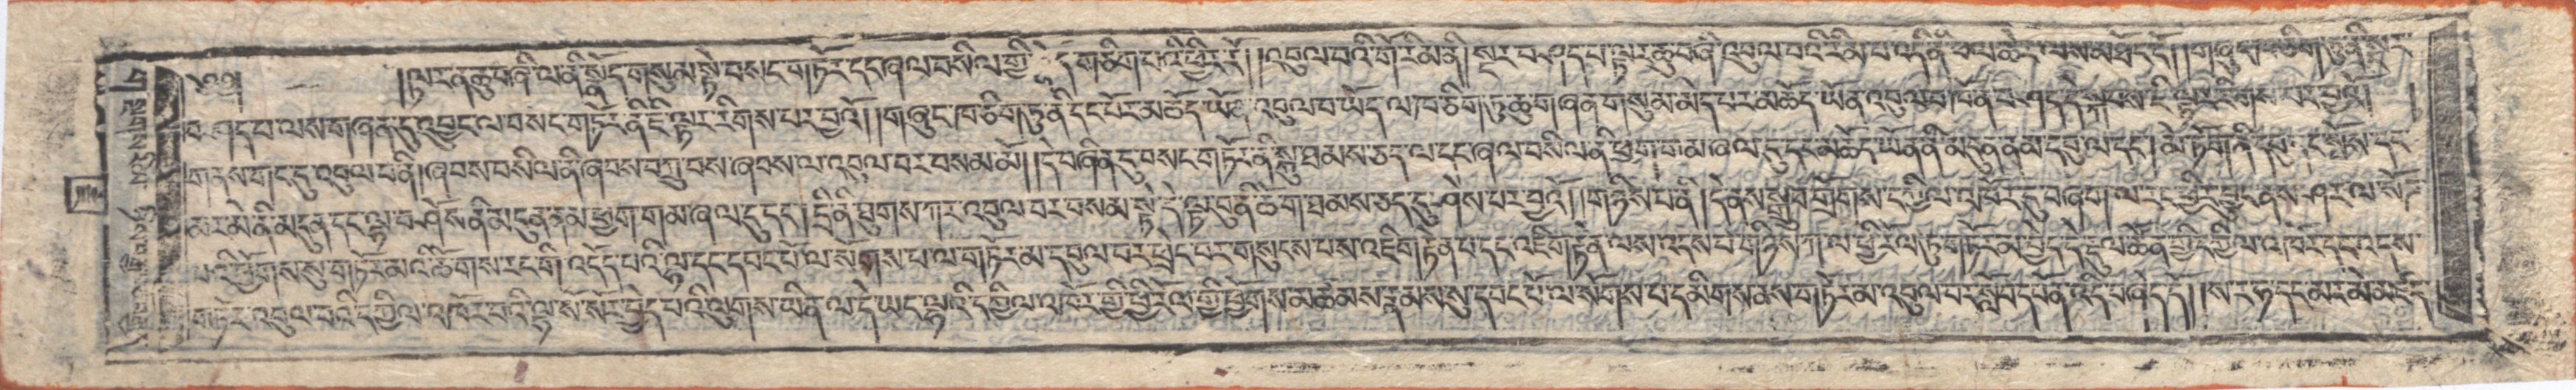༄༅། །ལྟར་ན་ཆུ་བཞི་ལ་ནི་སྣོད་གསུམ་སྟེ་བསང་གཏོར་དང་ཞལ་བསིལ་གྱི་སྣོད་གཅིག་པའི་ཕྱིར་རོ། །འབུལ་བའི་གོ་རིམ་ནི། སྔར་བཤད་པ་ལྟར་ཆུ་བཞི་འབུལ་བའི་རིམ་པ་འདི་ནི་ཕལ་ཆེར་ལས་མཐོང་ནོ། །གཞུང་ཁ་ཅིག་ཏུ་ནི་སྔར་
བཤད་པ་ལས་གཞན་དུ་འབྱུང་ལ་བསང་གཏོར་ནི་ཇི་ལྟར་རིགས་པར་བྱའོ། །གཞུང་ཁ་ཅིག་ཏུ་ནི་དང་པོར་མཆོད་ཡོན་འབུལ་བ་ཡོད་ལ་ཁ་ཅིག་ཏུ་ཆུ་གཞན་གསུམ་མེད་པར་མཆོད་ཡོན་འབུལ་བ་ཁོ་ན་བཤད་དེ་སྐབས་ཇི་ལྟར་རིགས་པར་བྱའོ། །
གནས་གང་དུ་འབུལ་བ་ནི། ཞབས་བསིལ་ནི་ཞབས་བཀྲུ་བས་ཞབས་ལ་འབུལ་བར་བསམ་མོ། །དེ་བཞིན་དུ་བསང་གཏོར་ནི་སྐུ་ཐམས་ཅད་ལ་དང་ཞལ་བསིལ་ནི་ཕྱག་གམ་ཞལ་དུ་དང་མཆོད་ཡོན་ནི་མདུན་ནམ་དབུ་ལ་དང་། མེ་ཏོག་ནི་དབུ་དང་སྤོས་དང་
མར་མེ་ནི་མདུན་དང་ལྷ་བཤོས་ནི་མདུན་ནམ་ཕྱག་གམ་ཞལ་དུ་དང་། དྲི་ནི་ཐུགས་ཀར་འབུལ་བར་བསམ་སྟེ་དེ་ལྟ་བུ་ནི་ཆོ་ག་ཐམས་ཅད་དུ་ཤེས་པར་བྱའོ། །གཉིས་པ་ནི། དེ་ནས་སྒྲུབ་གྲོགས་དཀྱིལ་འཁོར་དུ་བཞག་ལ་རང་ཕྱིར་བྱུང་ནས་ཤར་ལ་སོགས་
པའི་ཕྱོགས་སུ་གཏོར་མའི་ཆོ་གས་རང་གི་འདོད་པའི་ལྷ་དང་དབང་པོ་ལ་སོགས་པ་ལ་གཏོར་མ་དབུལ་བར་ཕྲེང་བར་གསུངས་པས་འཇིག་རྟེན་པ་དང་འཇིག་རྟེན་ལས་འདས་པ་གཉིས་ཀ་ལ་ཕྱི་རོལ་ཏུ་གཏོར་མ་བྱེད་དེ་རྡུལ་ཚོན་གྱི་དཀྱིལ་འཁོར་དང་འདས་
གཏོར་འབུལ་བའི་དཀྱིལ་འཁོར་བའི་ལྷ་སོ་སོར་བྱེད་པའི་ལུགས་ཡིན་ལ་དེ་ཡང་ལྷའི་དཀྱིལ་འཁོར་གྱི་ཕྱི་རོལ་གྱི་ཕྱོགས་མཚམས་རྣམས་སུ་དབང་པོ་ལ་སོགས་པ་དམིགས་ནས་གཏོར་མ་འབུལ་བར་སློབ་དཔོན་འདི་བཞེད་དོ། །ས་ར་ཧ་དང་མར་མེ་མཛད་